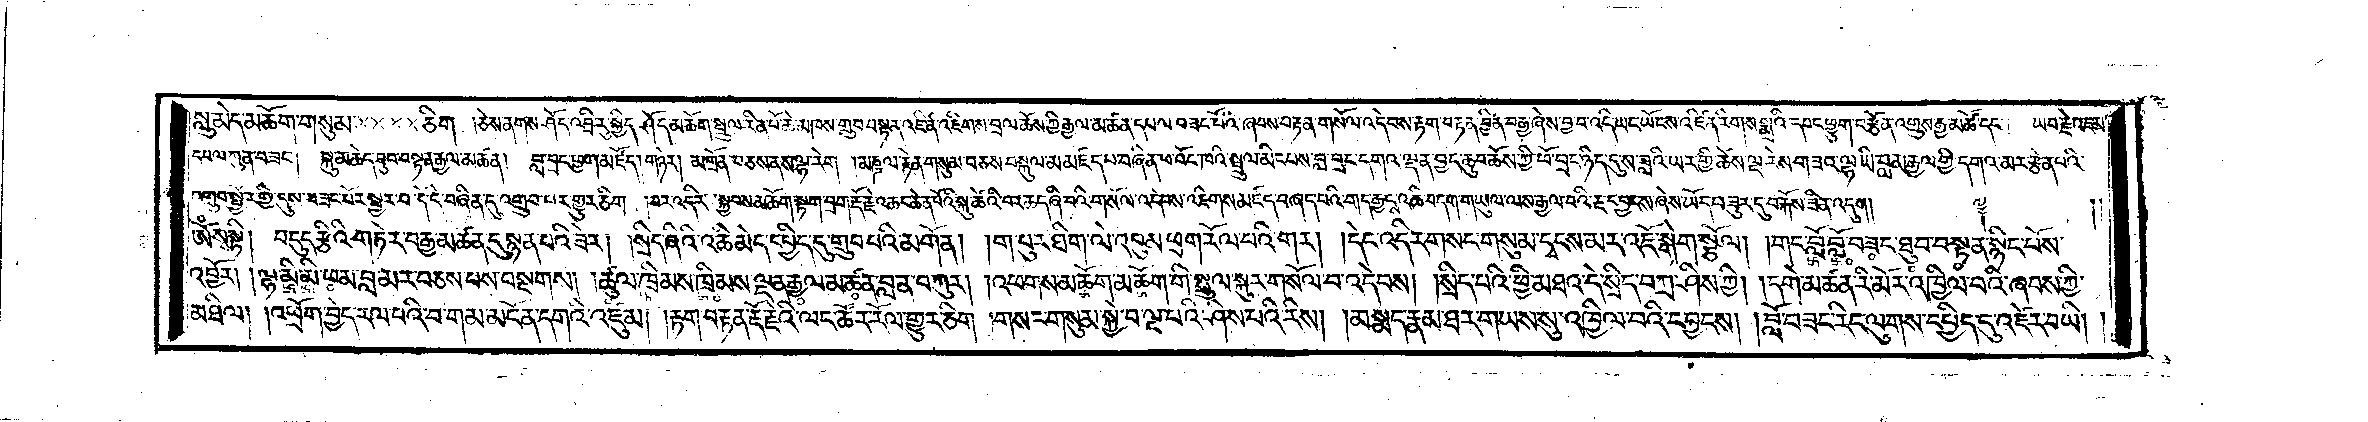སླུ་མེད་མཆོག་གསུམ་྾་྾་྾་ཅིག །ཅེས་ནགས་ཤོད་འབྲི་རུ་སྐྱིད་ཤོད་མཆོག་སྤྲུལ་རིན་པོ་ཆེ་མཁས་གྲུབ་བསྟན་འཛིན་འཇིགས་བྲལ་ཆོས་ཀྱི་རྒྱལ་མཚན་དཔལ་བཟང་པོའི་ཞབས་བརྟན་གསོལ་འདེབས་རྟག་བརྟན་བྱིན་བརྒྱ་ཞེས་བྱ་བ་འདི་ཡང་ཡོངས་འཛིན་རིགས་སྨྲའི་དབང་ཕྱུག་བརྩོན་འགྲུས་རྒྱ་མཚོ་དང་། ཡབ་རྗེ་འཇམ་
དཔལ་ཀུན་བཟང་། སྐུ་མཆེད་ཐུང་བསྟན་རྒྱལ་མཚན། བླ་བྲང་ཕྱག་མཛོད། གཉེར། མགྲོན་བཅས་ནས་ལྷ་རེག །མཎྜལ་རྟེན་གསུམ་བཅས་བསྐུལ་མ་མཛད་པ་བཞིན་ཕ་བོང་ཁའི་སྤྲུལ་མིང་པས་བླ་བྲང་དགའ་ལྡན་བྱང་ཆུབ་ཆོས་ཀྱི་ཕོ་བྲང་ཉིད་དུས་ཟླའི་ཡར་གྱི་ཚེས་ལྔ་རེས་གཟའ་ལྷ་ཡི་བླ་མ་རྒྱལ་གྱི་དགའ་མར་རྩེན་བའི་
འགྲུབ་སྦྱོར་གྱི་དུས་བཟང་པོར་སྦྱར་བ་དེ་དེ་བཞིན་དུ་འགྲུབ་པར་གྱུར་ཅིག །པར་འདིར ༧སྐྱབས་མཆོག་སྟག་བྲག་རྡོ་རྗེ་འཆང་ཆེན་པོའི་སྐུ་ཚེའི་བར་ཆད་ཞི་བའི་གསོལ་འདེབས་འཇིགས་མཛད་བཞད་པའི་གད་རྒྱངས་འཆི་བདག་གཡུལ་ལས་རྒྱལ་བའི་རྔ་དབྱངས་ཞེས་ཡོད་བ་ཟུར་དུ་བརྐོས་ཟིན་འདུག ། ༈ །།
ཨོཾ་སྭསྟི། བདུད་རྩིའི་གཏེར་བརྒྱ་མཚན་དུ་སྙན་བའི་ཟེར། །སྲིད་ཞིའི་འཆི་མེད་དཔྱིད་དུ་གྲུབ་པའི་མགོན། །ག་པུར་ཐིག་ལེ་འབུམ་ཕྲག་རོལ་བའི་གར། །དེང་འདིར་གསང་གསུམ་དྭངས་མར་འཇོ་སྒེག་སྩོལ། །གང་བློ་བློ་བཟང་ཐུབ་བསྟན་སྙིང་པོས་
འབྱོར། །ལྷ་མི་མི་ཕམ་བླ་མར་བཅས་པས་བསྔགས། །ཚུལ་ཁྲིམས་ཁྲིམས་ལྡན་རྒྱལ་མཚན་བླ་ན་བཀུར། །འཕགས་མཆོག་མཆོག་གི་སྤྲུལ་སྐུར་གསོལ་བ་འདེབས། །སྲིད་པའི་ཕྱི་མཐའ་དེ་སྲིད་བཀྲ་ཤིས་ཀྱི། །དགེ་མཚན་རི་མོར་འཁྱིལ་བའི་ཞྭབས་ཀྱི་
མཐིལ། །འཕྲོག་བྱེད་རལ་པའི་པ་གམ་མངོན་དགའི་འཛུམ། །རྟག་བརྟན་རྡོ་རྗེའི་ལང་ཚོར་རོལ་གྱུར་ཅིག །གསང་གསུམ་སྐྱེ་བ་ལྔ་པའི་ཤིས་པའི་རིས། །མ་རྨད་རྣམ་ཐར་གཡས་སུ་འཁྱིལ་བའི་དབྱངས། །བློ་བཟང་རིང་ལུགས་དཔྱིད་དུ་འཛེར་བ་ཡི། །